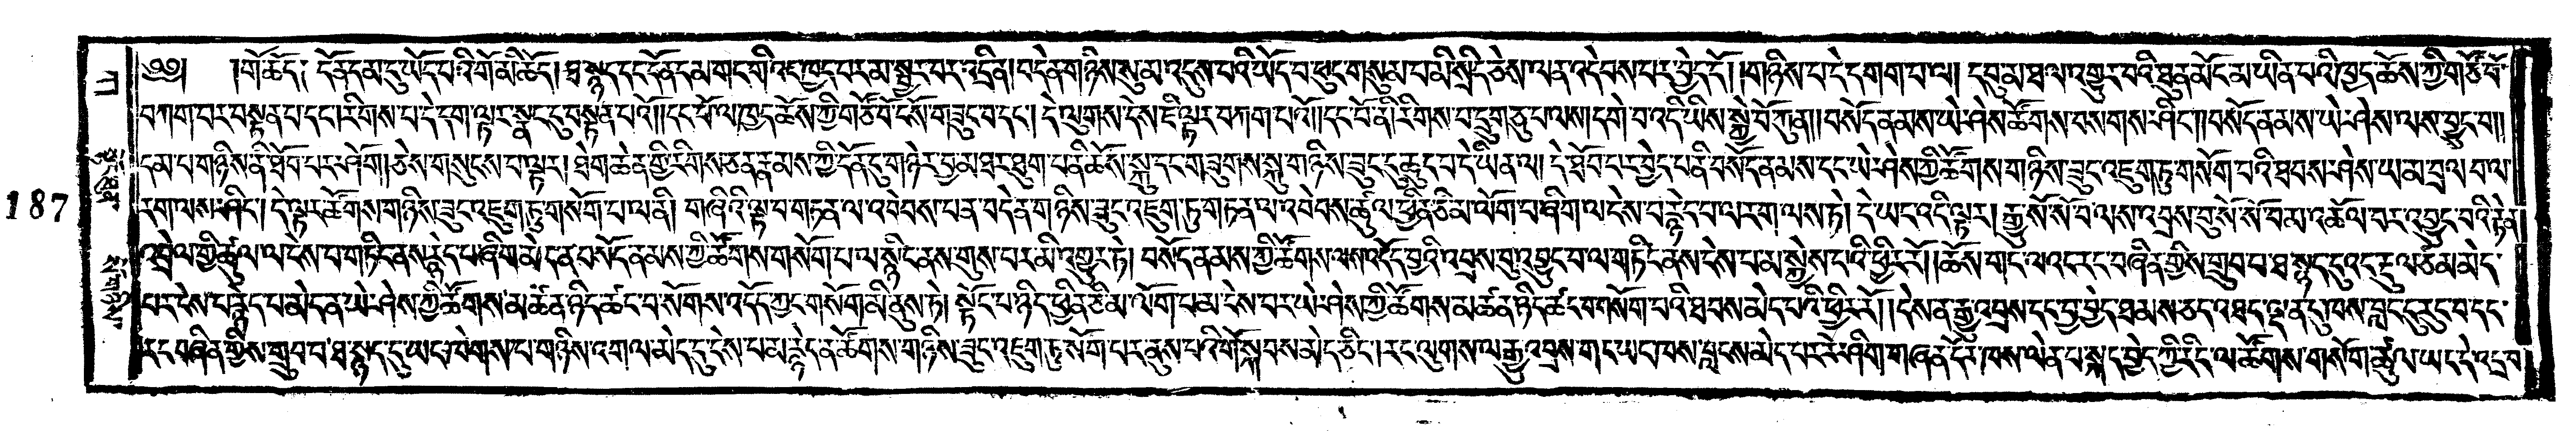༄༅། །གོ་ཆོད༑ དོན་དམ་དུ་ཡོད་པའི་གོ་མི་ཆོད། ཐ་སྙད་དང་དོན་དམ་གང་གིའང་ཁྱད་པར་མ་སྦྱར་བར་འདྲིན། བདེན་གཉིས་སུ་མ་འདུས་པའི་ཡོད་པ་ཕུང་གསུམ་པ་མི་སྲིད་ཅེས་ལན་འདེབས་པར་བྱེད་དོ། །གཉིས་པ་དེ་དགག་པ་ལ། དབུ་མ་ཐལ་འགྱུར་བའི་ཐུན་མོང་མ་ཡིན་པའི་ཁྱད་ཆོས་ཀྱི་གཙོ་བོ་
བཀག་བར་བསྟན་པ་དང་། རིགས་པ་དེ་དག་ལྟར་སྣང་དུ་བསྟན་པའོ། །དང་པོ་ལ་ཁྱད་ཆོས་ཀྱི་གཙོ་བོ་ངོས་གཟུང་བ་དང་། དེ་ལུགས་དེས་ཇི་ལྟར་བཀག་པའོ། །དང་པོ་ནི། རིགས་པ་དྲུག་ཅུ་པ་ལས། དགེ་བ་འདི་ཡིས་སྐྱེ་བོ་ཀུན། །བསོད་ནམས་ཡེ་ཤེས་ཚོགས་བསགས་ཤིང་། །བསོད་ནམས་ཡེ་ཤེས་ལས་བྱུང་བ།།
དམ་པ་གཉིས་ནི་ཐོབ་པར་ཤོག། ཅེས་གསུངས་པ་ལྟར། ཐེག་ཆེན་གྱི་རིགས་ཅན་རྣམས་ཀྱི་དོན་དུ་གཉེར་བྱ་མཐར་ཐུག་པ་ནི་ཆོས་སྐུ་དང་གཟུགས་སྐུ་གཉིས་ཟུང་དུ་ཆུད་པ་དེ་ཡིན་ལ། དེ་ཐོབ་པར་བྱེད་པ་ནི་བསོད་ནམས་དང་ཡེ་ཤེས་ཀྱི་ཚོགས་གཉིས་ཟུང་འཇུག་ཏུ་གསོག་བའི་ཐབས་ཤེས་ཡ་མ་བྲལ་བ་ལ་
རག་ལས་ཤིང་། དེ་ལྟར་ཚོགས་གཉིས་ཟུང་འཇུག་ཏུ་གསོག་པ་ལ་ནི། གཞིའི་ལྟ་བ་གཏན་ལ་འབེབས་པ་ན་བདེན་གཉིས་ཟུང་འཇུག་ཏུ་གཏན་ལ་འབེབས་ཚུལ་ཕྱིན་ཅི་མ་ལོག་བ་ཞིག་ལ་ངེས་བརྙེད་པ་ལ་རག་ལས་ཏེ། དེ་ཡང་འདི་ལྟར། རྒྱུ་སོ་སོ་བ་ལས་འབྲས་བུ་སོ་སོ་བམ་འཆོལ་བར་འབྱུང་བའི་རྟེན་
འབྲེལ་གྱི་ཚུལ་ལ་ངེས་པ་གཏིང་ནས་རྙེད་པ་ཞིག་མེད་ན་བསོད་ནམས་ཀྱི་ཚོགས་གསོག་པ་ལ་སྙིང་ནས་གུས་བར་མི་འགྱུར་ཏེ། བསོད་ནམས་ཀྱི་ཚོགས་ལས་འདོད་བྱའི་འབྲས་བུ་འབྱུང་བ་ལ་གཏིང་ནས་ངེས་པ་མ་སྐྱེས་པའི་ཕྱིར་རོ། །ཆོས་གང་ལའང་རང་བཞིན་གྱིས་གྲུབ་པ་ཐ་སྙད་དུའང་རྡུལ་ཙམ་མེད་
པར་ངེས་པ་རྙེད་པ་མེད་ན་ཡེ་ཤེས་ཀྱི་ཚོགས་མཚན་ཉིད་ཚང་བ་སོགས་འདོད་ཀྱང་གསོག་མི་ནུས་ཏེ། སྟོང་པ་ཉིད་ཕྱིན་ཅི་མ་ལོག་པ་མ་ངེས་པར་ཡེ་ཤེས་ཀྱི་ཚོགས་མཚན་ཉིད་ཚང་བ་གསོག་བའི་ཐབས་མེད་པའི་ཕྱིར་རོ། །དེས་ན་རྒྱུ་འབྲས་དང་བྱ་བྱེད་ཐམས་ཅད་འཐད་ལྡན་དུ་ཁས་བླང་དུ་རུང་བ་དང་
རང་བཞིན་གྱིས་གྲུབ་པ་ཐ་སྙད་དུ་ཡང་ཁེགས་པ་གཉིས་འགལ་མེད་དུ་ངེས་པ་མ་རྙེད་ན་ཚོགས་གཉིས་ཟུང་འཇུག་ཏུ་སོག་པར་ནུས་པའི་གོ་སྐབས་མེད་ཅིང་། རང་ལུགས་ལ་རྒྱུ་འབྲས་གང་ཡང་ཁས་བླངས་མེད་པར་རེ་ཤིག་གཞན་དོར་ཁས་ལེན་པ་སྐད་བྱེད་ཀྱི་རིང་ལ་ཚོགས་གསོག་ཚུལ་ཡང་དེ་འདྲ་བ་